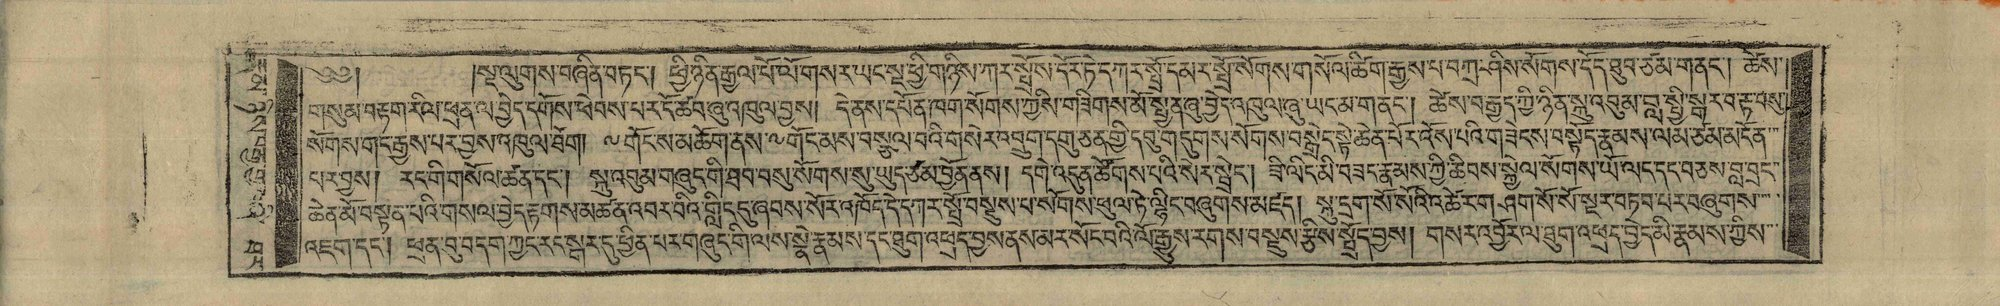༄༅། །སྔ་ལུགས་བཞིན་བཏང་། ཕྱི་ཉིན་རྒྱལ་པོ་ལོ་གསར་ཡང་སྔ་ཕྱི་གཉིས་ཀར་སྤྲོས་དོར་ཏེ་དཀར་སྤྲོ་དམར་སྤྲོ་སོགས་གསོལ་ཚིག་རྒྱས་པ་བཀྲ་ཤིས་སོགས་དོད་ཐུབ་ཙམ་གནང་། ཚེས་
གསུམ་བརྟག་རིལ་ཕྲན་ལ་བྱེད་དགོས་ཕེབས་པར་ངོ་ཚབ་ཞུ་འཁུལ་བྱས། དེ་ནས་དཔོན་ཁག་སོགས་ཀྱིས་གཟིགས་མོ་སྤྱན་ཞུ་བྱེད་འཁུལ་ཞུ་ཡང་མ་གནང་། ཚེས་བརྒྱད་ཀྱི་ཉིན་སྐུ་འབུམ་བླ་སྤྱི་སྒར་བ་རྟ་བསུ་
སོགས་གང་རྒྱས་པར་བྱས་འཁུལ་ཐོག། ༧་གོང་ས་མཆོག་ནས་༧་གོང་མས་བསྩལ་བའི་གསེར་འབྲུག་དགུ་ཅན་གྱི་དབུ་གདུགས་སོགས་བསྒྲེང་སྟེ་ཆེན་པོར་འོས་པའི་གཟེངས་བསྟོད་རྣམས་ལམ་ཙམ་མགྣོན་
པར་བྱས། རང་གི་གསོལ་ཚན་དང་། སྐུ་འབུམ་གཞུང་གི་ཐབ་བསུ་སོགས་སུ་ཡུད་ཙམ་བྱོན་ནས། དགེ་འདུན་ཚོགས་པའི་སེར་སྦྲེང་། ཟི་ལིང་མི་བཟང་རྣམས་ཀྱི་ཆིབས་སྐྱེལ་སོགས་ཡོ་ལང་དང་བཅས་བླ་བྲང་
ཆེན་མོ་བསྟན་པའི་གསལ་བྱེད་རྟགས་མཚན་འབར་བའི་གླིང་དུ་ཞབས་སོར་འཁོད་དེ་དཀར་སྤྲོ་བསྡུས་པ་སོགས་ཕུལ་ཏེ་ལྷིང་བཞུགས་མཛད། སྐུ་དྲག་སོ་སོའི་འཚེར་གཤག་སོ་སོ་སྔར་བཏབ་པར་བཞུགས་
འཇག་དང་། ཕྲན་བུ་བདག་ཀྱང་རང་སྒར་དུ་ཕྱིན་པར་གཞུང་གི་ལས་སྣེ་རྣམས་དང་ཐུག་འཕྲད་བྱས་ནས་མར་སོང་བའི་ལོ་རྒྱུས་རགས་བསྡུས་རྩིས་སྤྲོད་བྱས། གསར་འབྱོར་ལ་ཐུག་འཕྲད་བྱེད་མི་རྣམས་ཀྱིས་